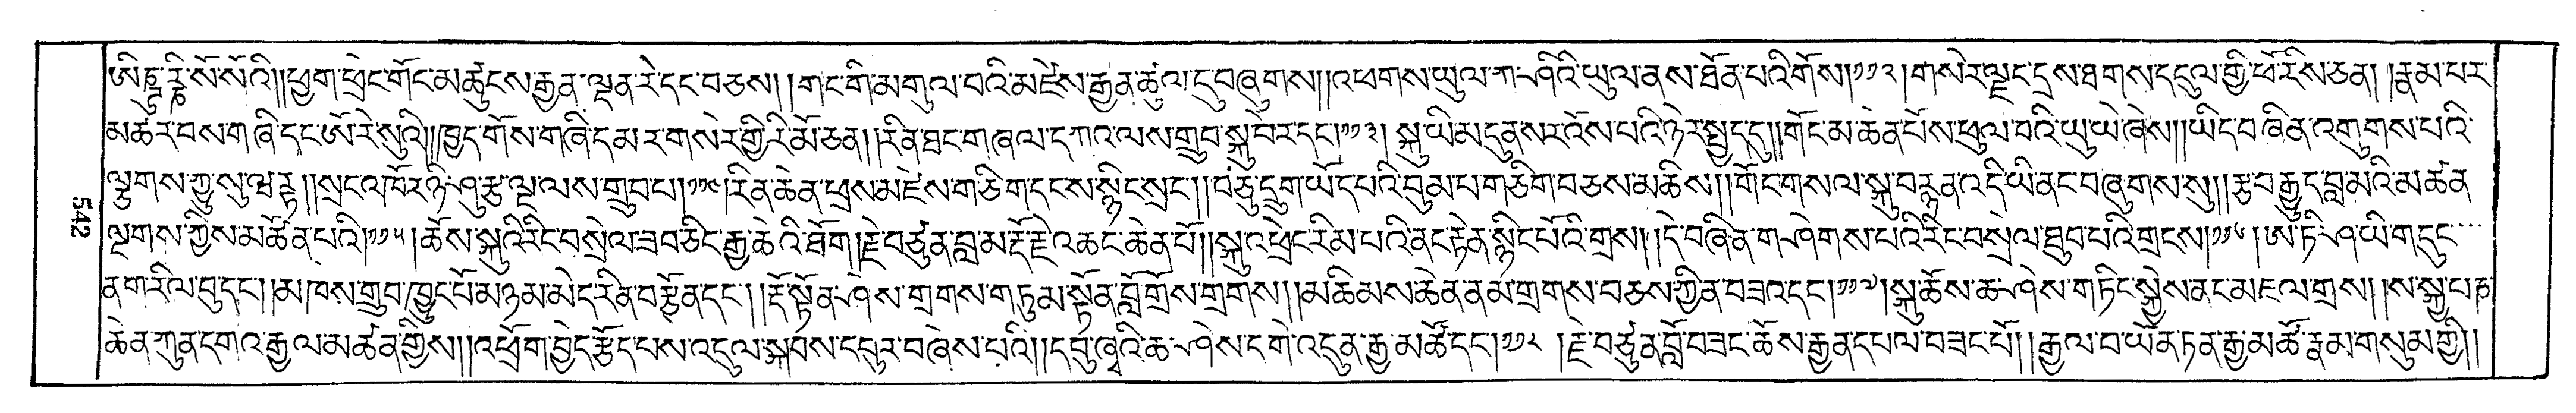ཨིཎྜུརྞི་སོ་སོའི། །ཕྱག་ཕྲེང་གོང་མཚུངས་རྒྱན་ལྡན་རེ་དང་བཅས། །གང་གི་མགུལ་བའི་མཛེས་རྒྱན་ཚུལ་དུ་བཞུགས། །འཕགས་ཡུལ་ཀ་ཤིའི་ཡུལ་ནས་ཐོན་པའི་གོས། ༡༡༢་།གསེར་ལྗང་དྲས་ཐགས་དངུལ་གྱི་ཕོ་རིས་ཅན། །རྣམ་པར་
མཚར་བས་གཞི་དང་ཨོ་རེ་སུའི། །ཁྱད་གོས་གཞི་དམར་གསེར་གྱི་རི་མོ་ཅན། །རིན་ཐང་གཞལ་དཀའ་ལས་གྲུབ་སྐུ་བར་དང་། ༡༡༣། སྐུ་ཡི་མདུན་སར་འོས་པའི་ཉེར་སྤྱད་དུ། །གོང་མ་ཆེན་པོས་ཕུལ་བའི་ཡུ་ཡེ་ཞེས། །ཡིད་བཞིན་འགུགས་པའི་
ལྕགས་ཀྱུ་སུ་ཝརྞ། །སྲང་འཁོར་ཉི་ཤུ་རྩ་ལྔ་ལས་གྲུབ་པ། ༡༡༤་།རིན་ཆེན་ཕྲས་མཛེས་གཅིག་དང་ས་སྙིང་སྲང་། །བཅུ་དྲུག་ཡོད་པའི་བུམ་པ་གཅིག་བཅས་མཆིས། །གོང་གསལ་སྐུ་བརྙན་འདི་ཡི་ནང་བཞུགས་སུ། །རྩ་བརྒྱུད་བླ་མའི་མཚན་
སྔགས་ཀྱིས་མཚོན་པའི། ༡༡༥་།ཆོས་སྐུའི་རིང་བསྲེལ་ཟབ་ཅིང་རྒྱ་ཆེའི་ཐོག། རྗེ་བཙུན་བླ་མ་རྡོ་རྗེ་འཆང་ཆེན་པོ། །སྐུ་འཕྲེང་རིམ་པའི་ནང་རྟེན་སྙིང་པོའི་གྲས། །དེ་བཞིན་གཤེགས་པའི་རིང་བསྲེལ་ཐུབ་པའི་གྲངས། ༡༡༦་།ཨ་ཏི་ཤ་ཡི་གདུང་
ནག་རིལ་བུ་དང་། །མཁས་གྲུབ་ཁྱུང་པོ་མཉམ་མེད་རིན་བརྩོན་དང་། །རྡོ་སྟོན་ཤེས་གྲགས་གཏུམ་སྟོན་བློ་གྲོས་གྲགས། །མཆིམས་ཆེན་ནམ་གྲགས་བཅས་ཀྱི་ན་བཟའ་དང་། ༡༡༧་།སྐུ་ཆོས་ཆ་ཤས་གཏིང་སྐྱེས་ནང་མཇལ་གྲས། །ས་སྐྱ་པཎ་
ཆེན་ཀུན་དགའ་རྒྱལ་མཚན་གྱིས། །འཕྲོག་བྱེད་རྩོད་པས་འདུལ་སྐབས་དབུར་བཞེས་པའི། །དབུ་ཞྭའི་ཆ་ཤས་དགེ་འདུན་རྒྱ་མཚོ་དང་། ༡༡༨་།རྗེ་བཙུན་བློ་བཟང་ཆོས་རྒྱན་དཔལ་བཟང་པོ། །རྒྱལ་བ་ཡོན་ཏན་རྒྱ་མཚོ་རྣམ་གསུམ་གྱི། །